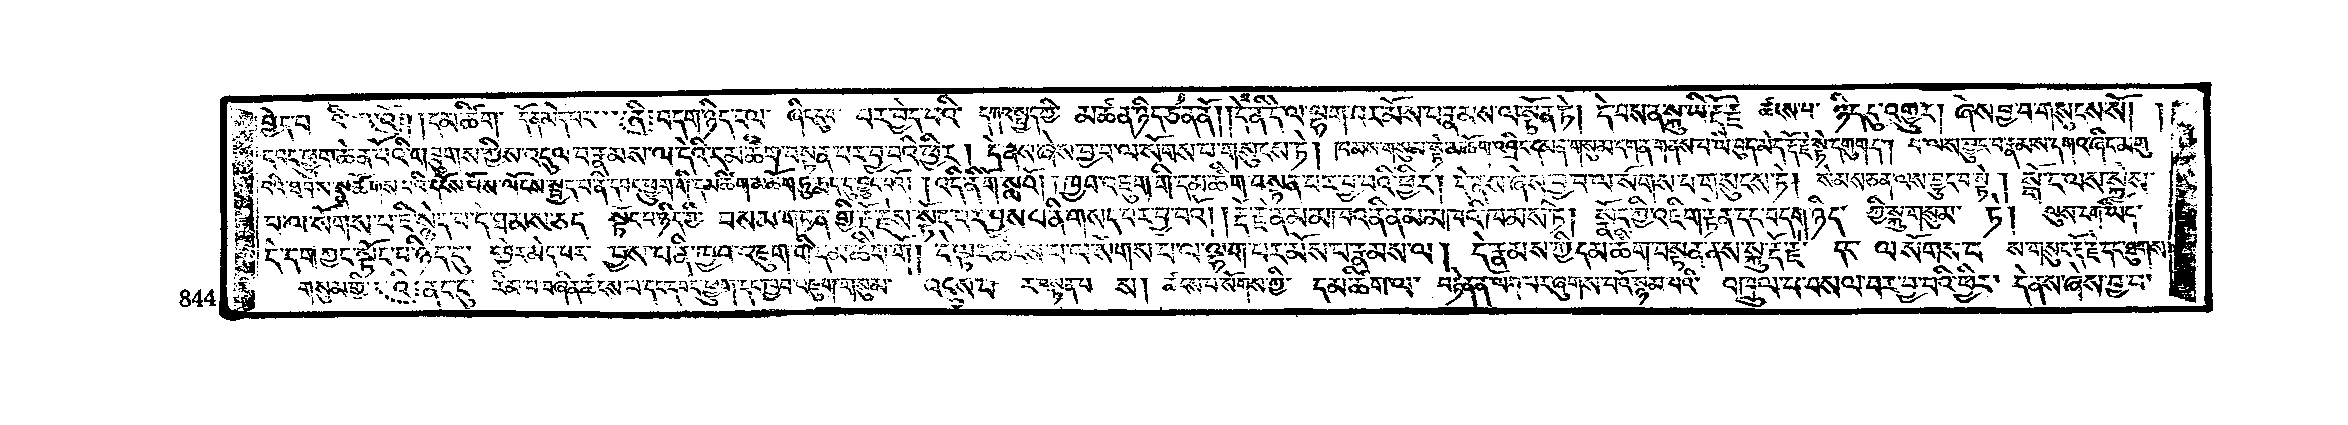བྱེད་པའི་འོ། །དམ་ཚིག་དོན་མེད་པར་ནི་བདག་ཉིད་ངལ་ཞིང་དུབ་པར་བྱེད་པའི་དཀའ་སྤྱད་ཀྱི་མཚན་ཉིད་ཅན་ནོ། །དེ་ནི་དེ་ལ་ལྷག་པར་མོས་པ་རྣམས་ལ་སྟོན་ཏེ། དེ་པས་ན་སྐུ་ཡི་རྡོ་རྗེ་ཚངས་པ་ཉིད་དུ་འགྱུར། ཞེས་བྱ་བ་གསུངས་སོ། །
དབང་ཕྱུག་ཆེན་པོའི་གཟུགས་ཀྱིས་འདུལ་བ་རྣམས་ལ་དེའི་དམ་ཚིག་བསྟན་པར་བྱ་བའི་ཕྱིར། དེ་ནས་ཞེས་བྱ་བ་ལ་སོགས་པ་གསུངས་ཏེ། ཁམས་གསུམ་སྟེ་མཆོག་འབྲིང་དམན་གསུམ་དག་ན་གནས་པ་ཡི་བུད་མེད་རྡོ་རྗེ་སྟེ་དགུག་དང་དབང་བ་ལས་བྱུང་བ་རྣམས་དགའ་ཞིང་མགུ་
བའི་ཐབས་སྣ་ཚོགས་པའི་དངོས་པོས་ལོངས་སྤྱད་པ་ནི་དབང་ཕྱུག་གི་དམ་ཚིག་མཆོག་ཏུ་རྨད་དུ་བྱུང་བའོ། ། འདི་ནི་གོ་སླའོ། །ཁྱབ་འཇུག་གི་དམ་ཚིག་བསྟན་པར་བྱ་བའི་ཕྱིར། དེ་ནས་ཞེས་བྱ་བ་ལ་སོགས་པ་གསུངས་ཏེ། སེམས་ཅན་ལས་བྱུང་བ་སྟེ།  སྒོ་ང་ལས་སྐྱེས་
པ་ལ་སོགས་པ་ཇི་སྙེད་པ་དེ་ཐམས་ཅད་སྟོང་པ་ཉིད་ཀྱི་བསམ་གཏན་གྱི་རྡོ་རྗེས་སྟོང་པར་བྱས་པ་ནི་གསད་པར་བྱ་བའོ། །རྡོ་རྗེ་ནམ་མཁའ་ནི་ནམ་མཁའི་ཁམས་ཏེ། སྣོད་ཀྱི་འཇིག་རྟེན་དང་བདག་ཉིད་ཀྱི་སྐུ་གསུམ་ཏེ། ལུས་ངག་ཡིད་
དེ་དག་ཀྱང་སྟོང་པ་ཉིད་དུ་དབྱེར་མེད་པར་བྱས་པ་ནི་ཁྱབ་འཇུག་གི་དམ་ཚིག་གོ །དེ་ལྟར་ཚངས་པ་ལ་སོགས་པ་ལ་ལྷག་པར་མོས་པ་རྣམས་ལ། དེ་རྣམས་ཀྱི་དམ་ཚིག་བསྟན་ནས་སྐུ་རྡོ་རྗེ་དང་ལ་སོགས་པ་ས་གསུང་རྡོ་རྗེ་དང་ཐུགས་
རྡོ་རྗེ་གསུམ་གྱི་འི་ནང་དུ་རིམ་པ་བཞིན་ཚངས་པ་དང་དབང་ཕྱུག་དང་ཁྱབ་འཇུག་གསུམ་འདུས་པར་བསྟན་པས། ཚངས་པ་སོགས་ཀྱི་དམ་ཚིག་ལ་བརྟེན་ན་ལོག་པར་ཞུགས་པའོ་སྙམ་པའི་འཁྲུལ་པ་བསལ་བར་བྱ་བའི་ཕྱིར། དེ་ནས་ཞེས་བྱ་བ་